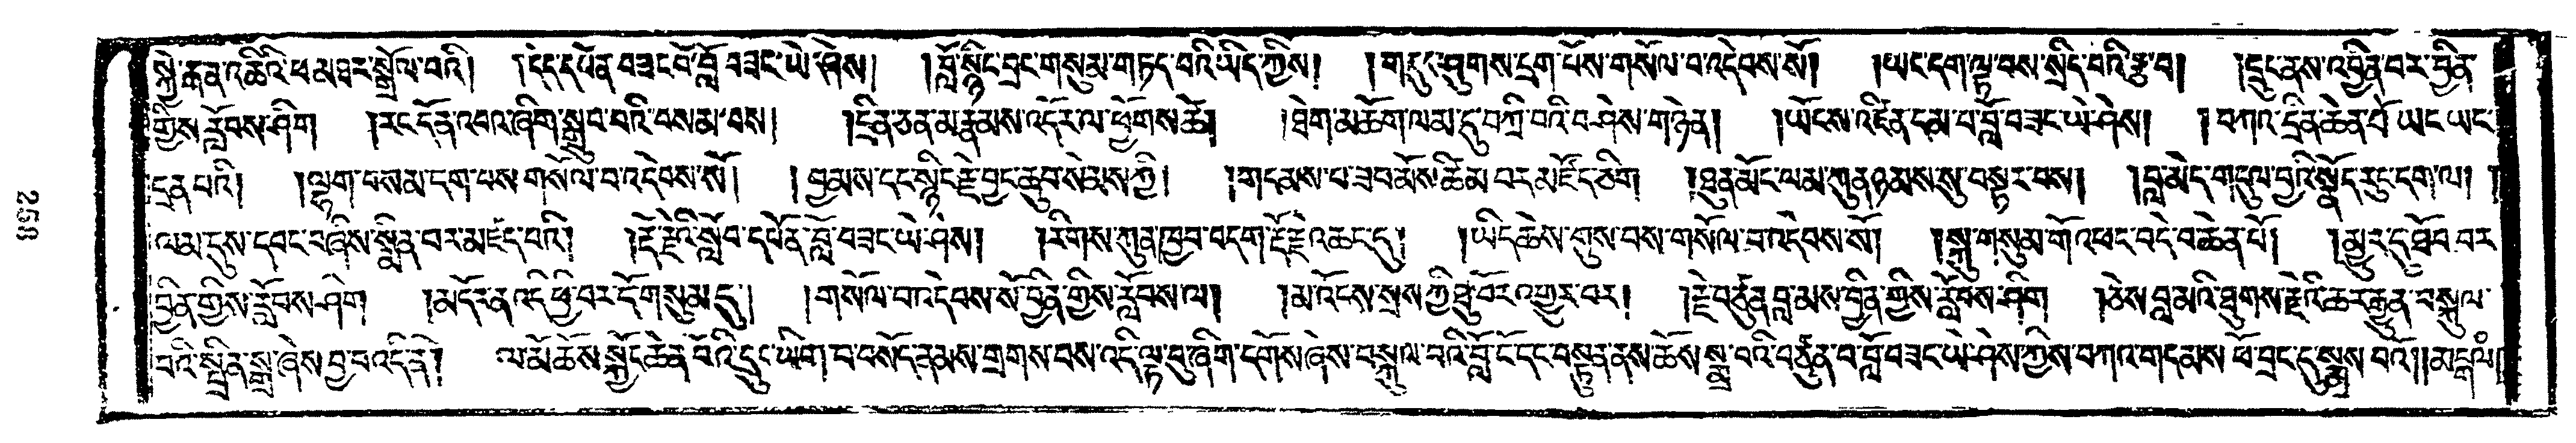སྐྱེ་རྒན་འཆིའི་ཕ་མཐར་སྒྲོལ་བའི། །དེད་དཔོན་བཟང་བོ་བློ་བཟང་ཡེ་ཤེས། །བློ་སྙིང་བྲང་གསུམ་གཏད་བའི་ཡིད་ཀྱིས། །གདུང་ཤུགས་དྲག་པོས་གསོལ་བ་འདེབས་སོ། །ཡང་དག་ལྟ་བས་སྲིད་བའི་རྩ་བ། །དྲུང་ནས་འབྱིན་བར་བྱིན་
གྱིས་རློབས་ཤིག །རང་དོན་འབའ་ཞིག་སྒྲུབ་བའི་བསམ་བས། །དྲིན་ཅན་མ་རྣམས་འདོར་ལ་ཕྱོགས་ཚེ། །ཐེག་མཆོག་ལམ་དུ་བཀྲི་བའི་བཤེས་གཉེན། །ཡོངས་འཛིན་དམ་པ་བློ་བཟང་ཡེ་ཤེས། །བཀའ་དྲིན་ཆེན་པོ་ཡང་ཡང་
དྲན་པའི། །ལྷག་བསམ་དག་པས་གསོལ་བ་འདེབས་སོ། །བྱམས་དང་སྙིང་རྗེ་བྱང་ཆུབ་སེམས་ཀྱི། །གདམས་པ་ཟབ་མོས་ཚིམ་བར་མཛོད་ཅིག །ཐུན་མོང་ལམ་ཀུན་ཉམས་སུ་བསྟར་བས། །བླ་མེད་གདུལ་བྱའི་སྣོད་རུང་དག་ལ། །
ལམ་དུས་དབང་བཞིས་སྨིན་བར་མཛད་པའི། །རྡོ་རྗེའི་སློབ་དཔོན་བློ་བཟང་ཡེ་ཤེས། །རིགས་ཀུན་ཁྱབ་བདག་རྡོ་རྗེ་འཆང་དུ། །ཡིད་ཆེས་གུས་བས་གསོལ་བ་འདེབས་སོ། །སྐུ་གསུམ་གོ་འཕང་བདེ་བ་ཆེན་པོ། །མྱུར་དུ་ཐོབ་བར་
བྱིན་གྱིས་རློབས་ཤིག །མདོར་ན་འདི་ཕྱི་བར་དོ་གསུམ་དུ། །གསོལ་བ་འདེབས་སོ་བྱིན་གྱིས་རློབས་ལ། །མ་འོངས་སྲས་ཀྱི་ཐུ་བོར་འགྱུར་བར། །རྗེ་བཙུན་བླ་མས་བྱིན་གྱིས་རློབས་ཤིག །ཅེས་བླ་མའི་ཐུགས་རྗེའི་ཆར་རྒྱུན་བསྐུལ་
བའི་སྤྲིན་སྒྲ་ཞེས་བྱ་བ་འདི་ནི། ལ་མོ་ཆོས་སྐྱོང་ཆེན་བོའི་དྲུང་ཡིག་བ་བསོད་ནམས་གྲགས་བས་འདི་ལྟ་བུ་ཞིག་དགོས་ཞེས་བསྐུལ་བའི་བློ་ངོ་དང་བསྟུན་ནས་ཆོས་སྨྲ་བའི་བཙུན་བ་བློ་བཟང་ཡེ་ཤེས་ཀྱིས་བཀའ་གདམས་ཕོ་བྲང་དུ་སྨྲས་བའོ། །མངྒལཾ།